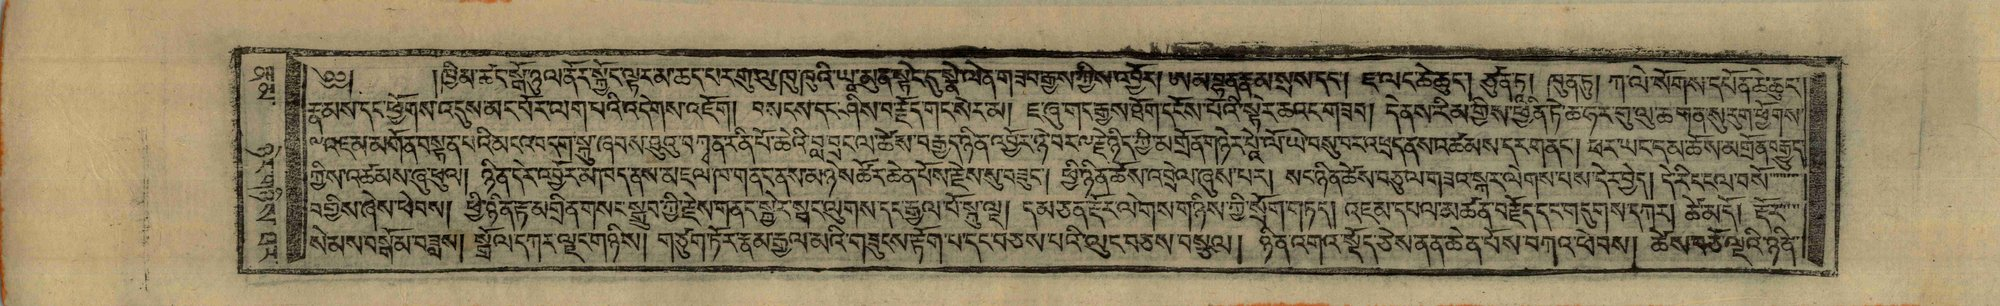༄༅། །ཁྱིམ་ཚང་སྒོ་ཉུལ་ནོར་སྐྱོང་ལྟར་མ་ཆད་པར་གུ་ལུ་ཁུ་ཁུའི་ཡཱ་མུན་སྟེང་དུ་སྣེ་ལེན་གཟབ་རྒྱས་ཀྱིས་འབྱོར། ཨམ་བྷན་རྣམ་སྲས་དང་། ཇ་ལང་ཆེ་ཆུང་། ཙུན་ཏཱ། ཁུན་ཏུ། ཀ་ལེ་སོགས་དཔོན་ཆེ་ཆུང་
རྣམས་དང་ཕྱོགས་འདུས་མང་པོར་ལག་པའི་འདེགས་འཇོག །བསངས་དང་ཤིས་བརྗོད་གང་སེར་མ། ཇ་ཞུ་གང་རྒྱས་ཐོག་དངོས་པོའི་སྟེར་ཆའང་གཟབ། དེ་ནས་རིམ་གྱིས་ཕྱིན་ཏེ་ཆ་ཧར་གུ་ལུ་ཆ་གན་སུ་རུག་ཕྱོགས་
༧འཇམ་མགོན་བསྟན་པའི་མངའ་བདག་སྐུ་ཞབས་ཐུའུ་བཀྭན་རིན་པོ་ཆེའི་བླ་བྲང་ལ་ཚེས་བརྒྱད་ཉིན་འབྱོར་ཉེ་བར་༧་རྗེ་ཉིད་ཀྱི་མགྲོན་གཉེར་པE་ལོ་ཡེ་བསུ་བར་འཕྲད་ནས་འཚམས་དར་གནང་། ཕར་ཡང་དམ་ཆོས་མགྲོན་བརྒྱུད་
ཀྱིས་འཚམས་ཞུ་ཕུལ། ཉིན་དེར་འབྱོར་མ་ཁད་ནས་མཇལ་ཁ་གནང་ནས་མཉེས་ཚོར་ཆེན་པོས་རྗེས་སུ་བཟུང་། ཕྱི་ཉིན་ཆོས་འབྲེལ་ཞུས་པར། སང་ཉིན་ཚེས་བཅུ་ལ་གཟའ་སྐར་ལེགས་པས་དེར་བྱེད། དེ་རིང་ངལ་བསོ་
བགྱིས་ཞེས་ཕེབས། ཕྱི་ཉིན་རྟ་མགྲིན་གསང་སྒྲུབ་ཀྱི་རྗེས་གནང་སྐྱེར་སྒང་ལུགས་དང་རྒྱལ་པོ་སྐུ་ལྔ། དམ་ཅན་རྡོར་ལེགས་གཉིས་ཀྱི་སྲོག་གཏད། འཇམ་དཔལ་མཚན་བརྗོད་དང་གདུགས་དཀར། ཚེ་མདོ། རྡོར་
སེམས་བསྒོམ་བཟླས། སྒྲོལ་དཀར་ལྗང་གཉིས། གཙུག་ཏོར་རྣམ་རྒྱལ་མའི་གཟུངས་རྟོག་པ་དང་བཅས་པའི་ལུང་བཅས་བསྩལ། ཉིན་འགའ་སྡོད་ཅེས་ནན་ཆེན་པོས་བཀའ་ཕེབས། ཚེས་བཅོ་ལྔའི་ཉིན་